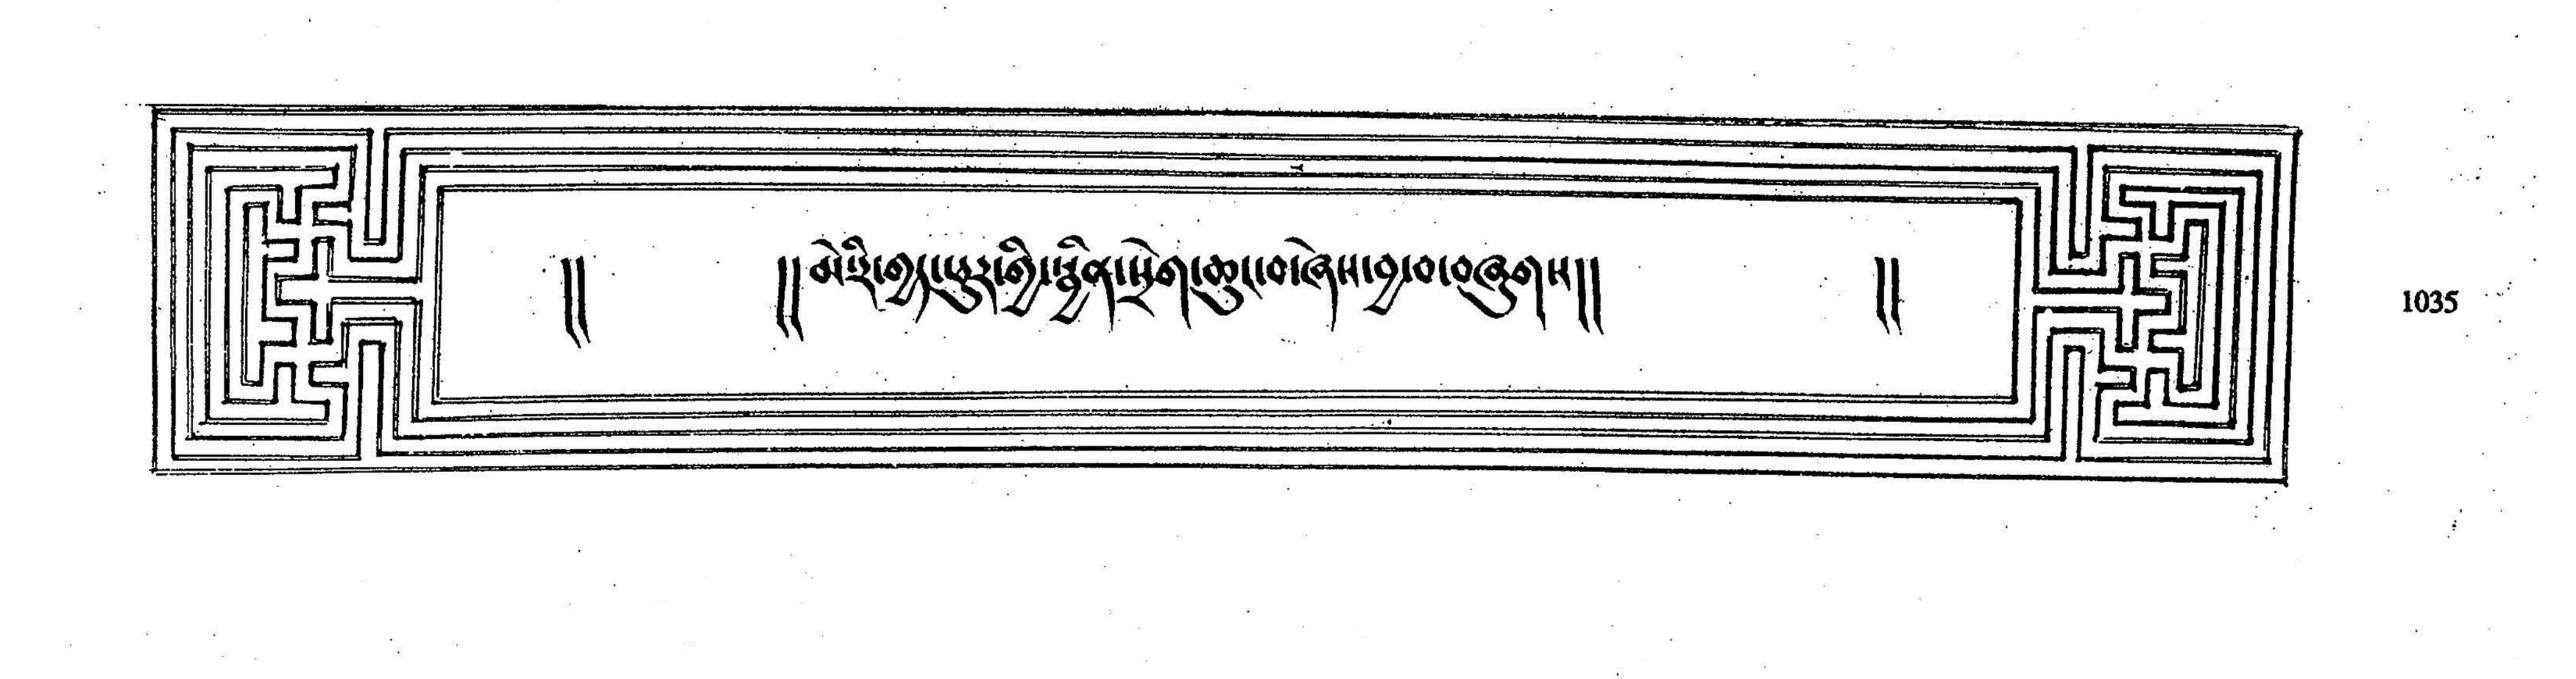།། །།མེ་རི་གྱད་ཕུར་གྱི་སྦྱིན་སྲེག་ཆུང་བ་ཞེས་བྱ་བ་བཞུགས།། །།